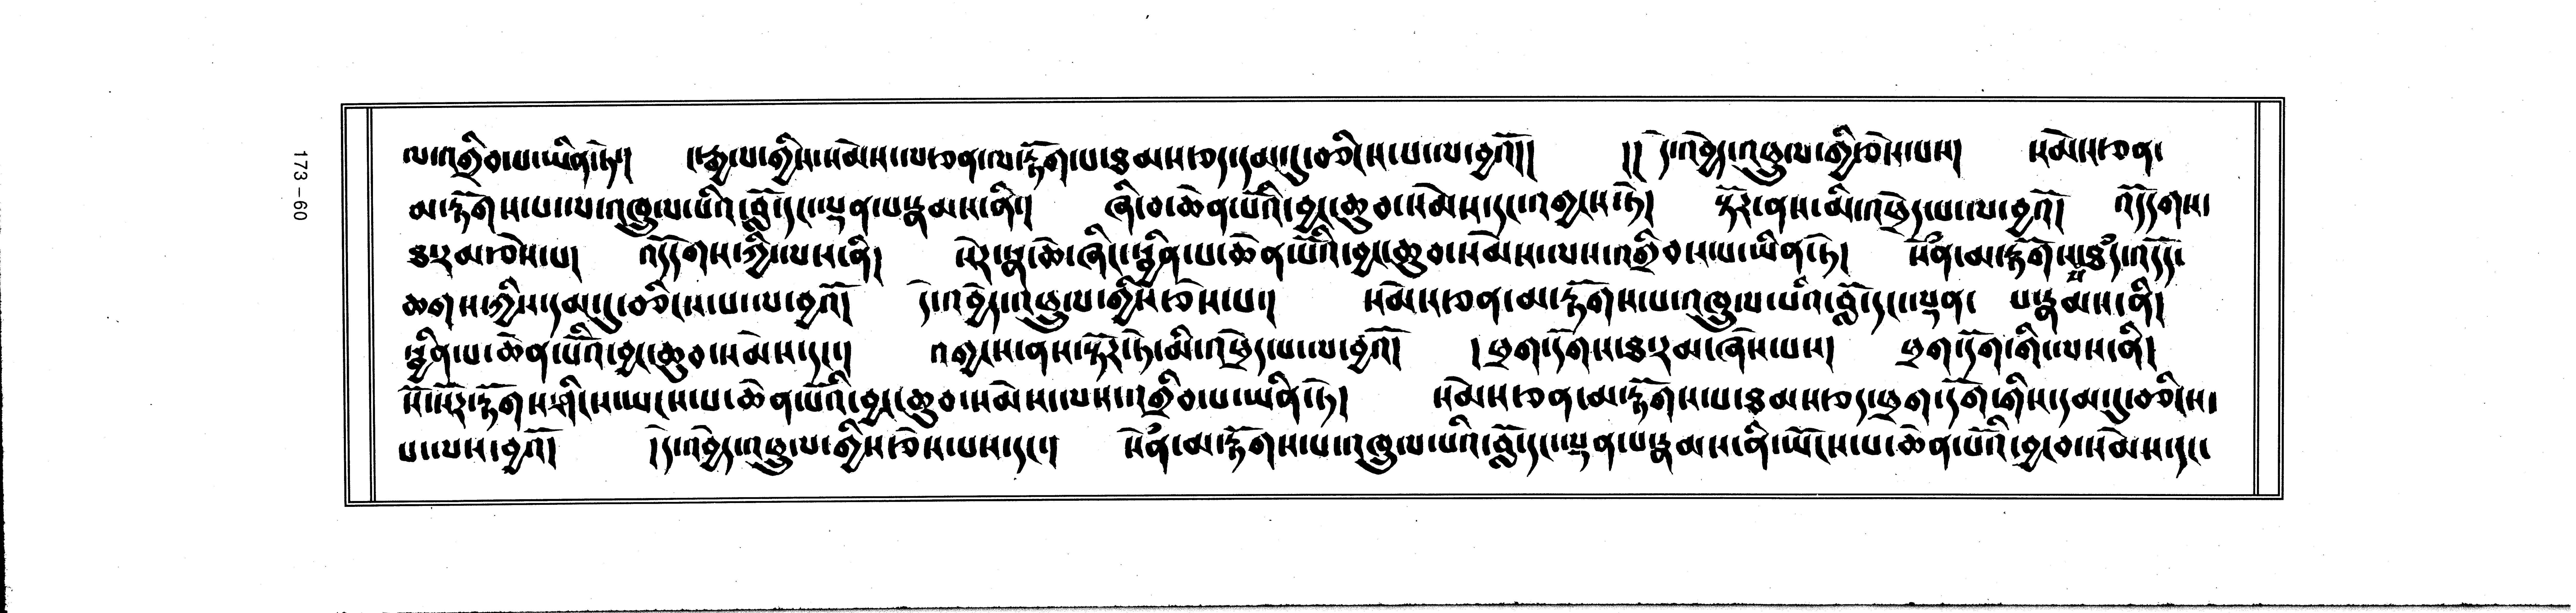ལ་འགྲིབ་པ་ཡིན་ཏེ། ང་རྒྱལ་གྱིས་སེམས་ལ་རྟོག་པ་ཐམས་ཅད་དམ་དུ་བཅིང་པ་ལ་བྱའོ། །དེ་འབྱེད་འཕྲུལ་གྱི་ཅེས་པས། སེམས་ཅན་
མ་རྟོགས་པ་ལ་འཁྲུལ་པའི་བློ་དང་ལྡན་པ་རྣམ་ནི། ཞི་བ་ཆེན་པོའི་བྱང་ཆུབ་སེམས་དང་འགྱངས་ཏེ། སྟོར་ནས་མི་འཕྲད་པ་ལ་བྱའོ། །འདོད་ཆགས་
ཐ་རམ་ཅེས་པ། འདོད་ཆགས་ཀྱི་ལས་ནི། སེར་སྣ་ཆེ་ཞིང་། སྦྱིན་པ་ཆེན་པོའི་བྱང་ཆུབ་སེམས་ལས་འགྲིབས་པ་ཡིན་ཏེ། སེམས་ཅན་མ་རྟོགས་པ་ཐམས་ཅད་འདོད་
ཆགས་ཀྱིས་དམ་དུ་བཅིང་པ་ལ་བྱའོ། །དེ་འབྱེད་འཕྲུལ་གྱི་ལྡེ་ཅེས་པ་ནི། སེམས་ཅན་མ་རྟོགས་པ་འཁྲུལ་པའི་བློ་དང་ལྡན་པ་རྣམས་ནི། 
སྦྱིན་པ་ཆེན་པོའི་བྱང་ཆུབ་སེམས་དང་། འགྱངས་ནས་སྟོར་ཏེ་མི་འཕྲད་པ་ལ་བྱའོ། །ཕྲག་དོག་ཐ་རམ་ཞེས་པས། ཕྲག་དོག་གི་ལས་ནི། 
སོ་སོར་རྟོགས་ཤིང་ཡངས་པ་ཆེན་པོའི་བྱང་ཆུབ་སེམས་ལས་འགྲིབ་པ་ཡིན་ཏེ། སེམས་ཅན་མ་རྟོགས་པ་ཐམས་ཅད་ཕྲག་དོག་གིས་དམ་དུ་བཅིངས་
པ་ལ་བྱའོ། །དེ་འབྱེད་འཕྲུལ་གྱིས་ཅེས་པས་དང་། སེམས་ཅན་མ་རྟོགས་པ་འཁྲུལ་པའི་བློ་དང་ལྡན་པ་རྣམས་ནི་ཡངས་པ་ཆེན་པོའི་བྱང་ཆུབ་སེམས་དང་